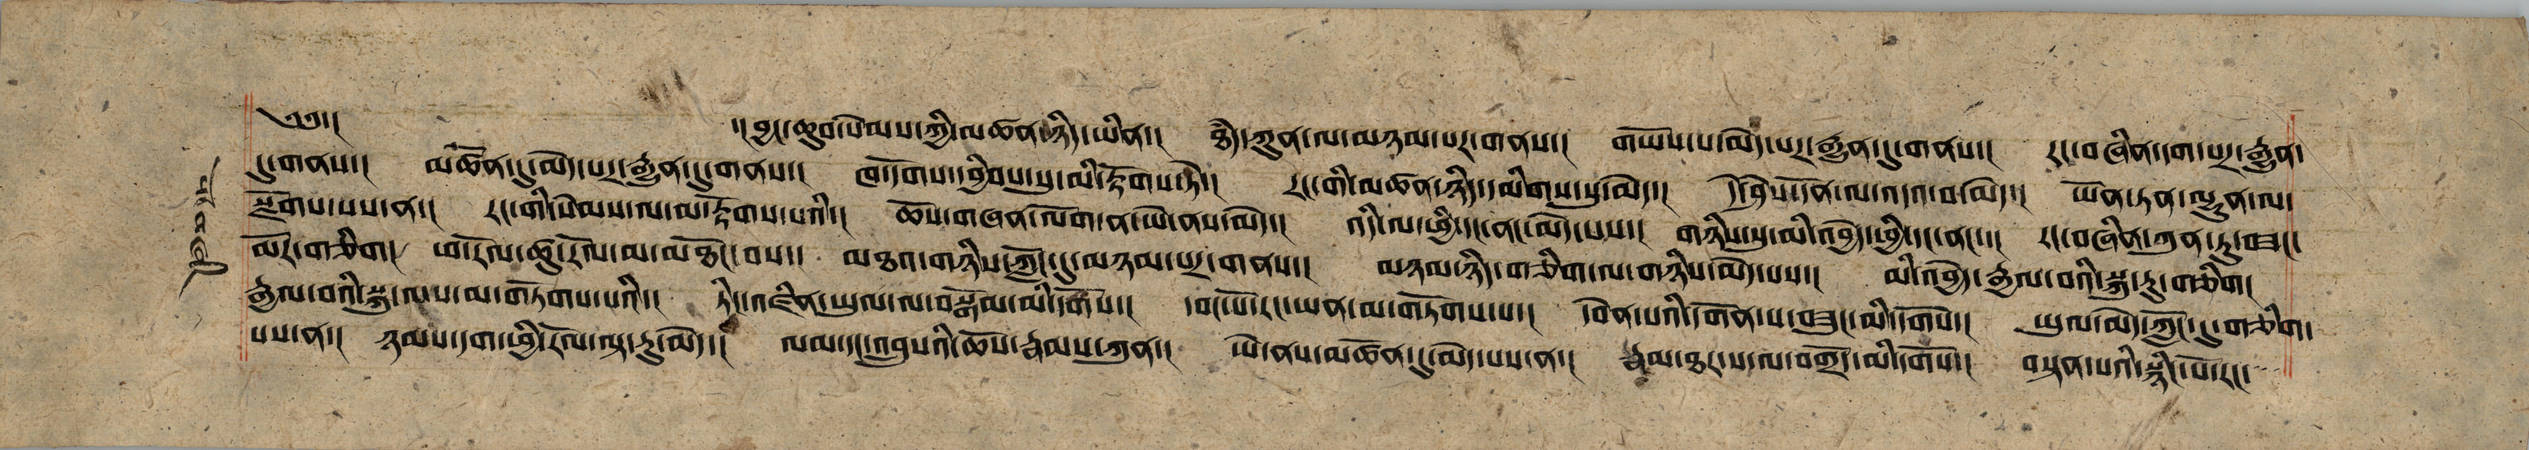༄༅་། ་།བྱ་ཆུབ་སེམས་ཀྱི་མཚན་ཉིད་ཡིན་། ཐཾད་ཀུན་ལ་མཉམ་པར་གནས་། གཡོས་པ་མེད་པར་རྒྱུན་དུ་གནས་། རང་བཞིན་དག་པར་རྒྱུན་
དུ་གནས་། མཚོན་དུ་མེད་པར་རྒྱུན་དུ་གནས་། ཁ་དོགས་དབྱིབས་སུ་མི་རྟོགས་ཏེ་། རང་གི་མཚན་ཉིད་དམིགས་སུ་མེད་། དེ་ཤེས་དོན་ལ་འདའ་བ་མེད་། ཡོན་ཏན་ལྷུན་ལ་
སྫོགས་པས་ན་། རང་གི་སེམས་ལ་མ་རྟོགས་པའི་། ཆོས་གཞན་ལོག་ན་ཡེ་ནས་མེད་། འདི་ལ་ཕྱི་དང་ནང་མེད་པས་། གཉིས་སུ་མི་འབྱེད་ཕྱི་དང་ནང་་། རང་བཞིན་ཀུན་དུ་བཟང་
མོར་གཅིག་། ཕ་རོལ་ཚུ་རོལ་མ་མཐོང་བས་། མཐའ་གཉིས་ཀློང་དུ་མཉམ་པར་གནས་། མཉམ་ཉིད་གཅིག་ལ་གཉིས་མེད་པས་། མི་འབྱེད་རྒྱལ་བའི་སྐུ་རུ་གཅིག།
རྒྱལ་བའི་སྐུ་ལས་མ་གཏོགས་པའི་། ཏིང་འཛིན་ཡུལ་ལ་བསྒོམ་མི་དགོས་། དབང་པོ་རང་ཡན་མ་གཏོགས་པ་། དབེན་པའི་དགོན་པ་བཟུང་མི་དགོས་། ཡུལ་མེད་ཀློང་དུ་གཅིག་
པས་ན་། ཉམས་དག་ཕྱི་རོལ་ལྟ་རུ་མེད་། ལམ་དང་འབྲུསའི་ཆོས་རྣམས་ཀུན་། ཡེ་ནས་མཚོན་དུ་མེད་པས་ན་། སྣམ་ཐར་ས་ལ་བགྲོད་མི་དགོས་། བསྟན་པའི་སྙིང་པོ་རང་